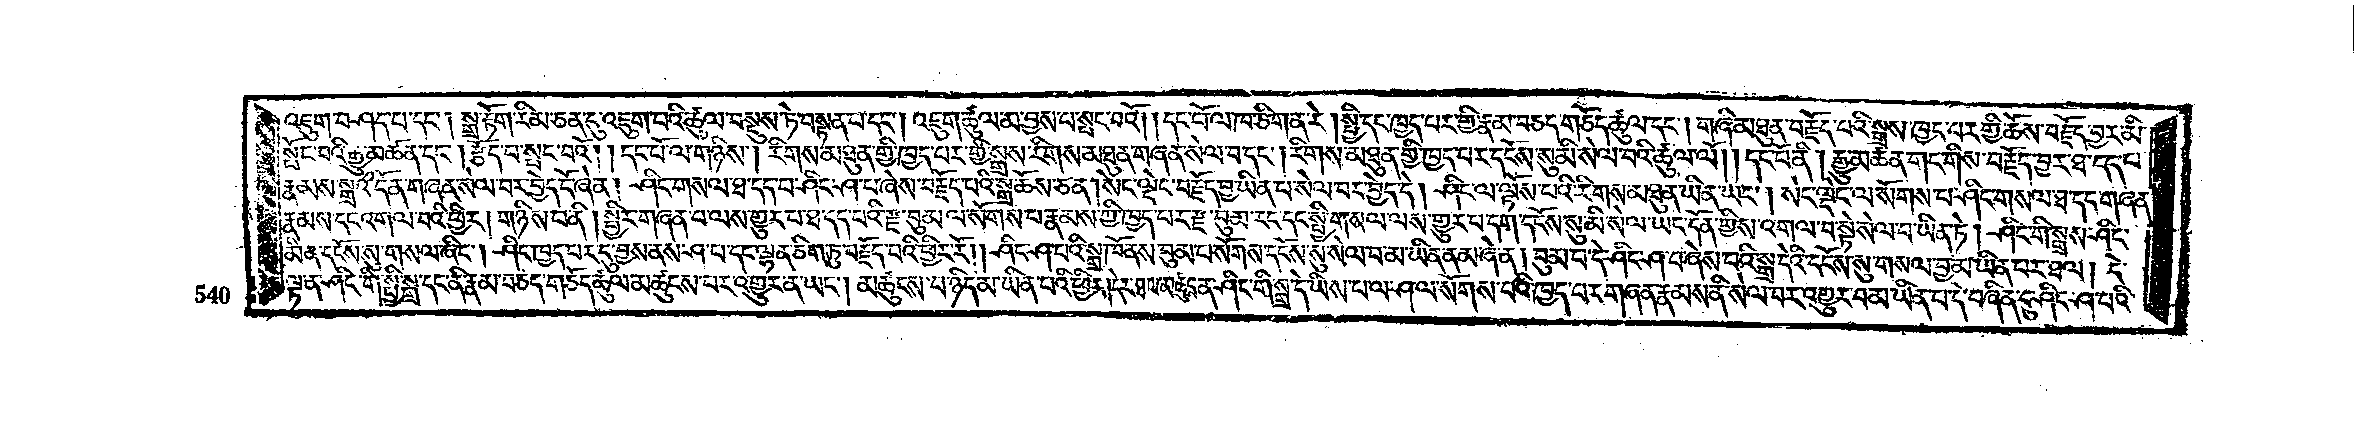འཇུག་བཤད་པ་དང་། སྒྲ་རྟོག་རིམ་ཅན་དུ་འཇུག་པའི་ཚུལ་བསྡུས་ཏེ་བསྟན་པ་དང་། འཇུག་ཚུལ་མ་བྱས་པ་སྤང་བའོ། །དང་པོ་ལ་ཁ་ཅིག་ན་རེ། སྤྱི་དང་ཁྱད་པར་གྱི་རྣམ་བཅད་གཅོད་ཚུལ་དང་། གཞི་མཐུན་བརྗོད་པའི་སྒྲས་ཁྱད་པར་གྱི་ཆོས་བརྗོད་བྱར་མི་
སྤོང་བའི་རྒྱུ་མཚན་དང་། རྩོད་པ་སྤང་བའོ། །དང་པོ་ལ་གཉིས། རིགས་མཐུན་གྱི་ཁྱད་པར་གྱི་སྒྲས་རིགས་མཐུན་གཞན་སེལ་བ་དང་། རིགས་མཐུན་གྱི་ཁྱད་པར་དངོས་སུ་མི་སེལ་བའི་ཚུལ་ལོ། །དང་པོ་ནི། རྒྱུ་མཚན་གང་གིས་བརྗོད་བྱར་ཐ་དད་པ་
རྣམས་སྒྲའི་དོན་གཞན་སེལ་བར་བྱེད་དོ་ཞེ་ན། ཤིང་གསལ་ཐ་དད་པ་ཤིང་ཤ་པ་ཞེས་བརྗོད་པའི་སྒྲ་ཆོས་ཅན། སེང་ལྡེང?་བརྗོད་བྱེད་དེ། ཤིང་ལ་ལྟོས་པའི་རིགས་མཐུན་ཡིན་ཡང་། སེང་ལྡེང?་ལ་སོགས་པ་ཤིང་གསལ་ཐ་དད་གཞན་
རྣམས་དང་འགལ་བའི་ཕྱིར། གཉིས་པ་ནི། སྤྱིར་གཞན་པ་ལས་གྱུར་པ་ཐ་དད་པའི་རྫ་བུམ་ལ་སོགས་པ་རྣམས་ཀྱི་ཁྱད་པར་རྫ་བུམ་རང་དང་སྤྱི་གསལ་ལས་གྱུར་པ་དག་དངོས་སུ་མི་སེལ་ཡང་དོན་གྱིས་འགལ་བ་སྟེ་སེལ་བ་ཡིན་ཏེ། ཤིང་གི་སྒྲས་ཤིང་
མིན་དངོས་སུ་གསལ་ཞིང་། ཤིང་ཁྱད་པར་དུ་བྱས་ནས་ཤ་པ་དང་ལྷན་ཅིག་ཏུ་བརྗོད་པའི་ཕྱིར་རོ། །ཤིང་ཤ་པའི་སྒྲ་ཁོ་ནས་བུམ་པ་སོགས་དངོས་སུ་སེལ་བ་མ་ཡིན་ནམ་ཞེ་ན། བུམ་པ་དེ་ཤིང་ཤ་པ་ཞེས་པའི་སྒྲ་དེའི་དངོས་སུ་གསལ་བྱ་མ་ཡིན་པར་ཐལ། དེ་
ལྟ་ན་ཤིང་གི་སྤྱི་སྒྲ་དང་ནི་རྣམ་བཅད་གཅོད་ཚུལ་མཚུངས་པར་འགྱུར་ན་ཡང་། མཚུངས་པ་ཉིད་མ་ཡིན་པའི་ཕྱིར། དེར་ཐལ་མཚུངས་ན་ཤིང་གི་སྒྲ་དེ་ཡིས་པ་ལ་ཤ་ལ་སོགས་པའི་ཁྱད་པར་གཞན་རྣམས་ནི་སེལ་བར་འགྱུར་བ་མ་ཡིན་པ་དེ་བཞིན་དུ་ཤིང་ཤ་པའི་